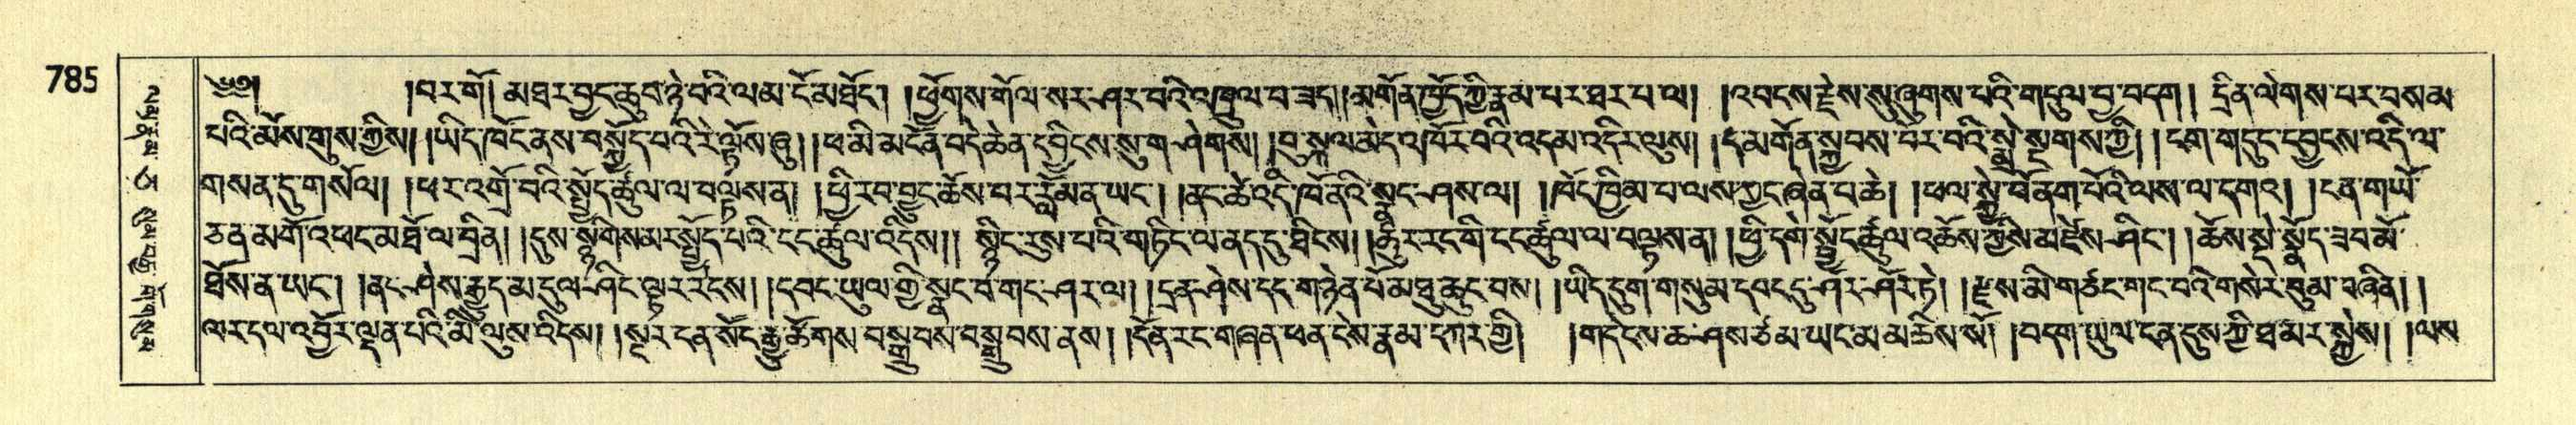༄༅། །བར་གོ། མཐར་བྱང་ཆུབ་ཉེ་བའི་ལམ་ངོ་མཐོང་། །ཕྱོགས་གོལ་སར་ཤར་བའི་འཁྲུལ་བ་ཟད། །མགོན་ཁྱོད་ཀྱི་རྣམ་པར་ཐར་པ་ལ། །འབངས་རྗེས་སུ་ཞུགས་པའི་གདུལ་བྱ་བདག། དྲིན་ལེགས་པར་བསམ་
པའི་མོས་གུས་ཀྱིས། །ཡིད་ཁོང་ནས་བསྐྱོད་པའི་རེ་ལྟོས་ཞུ། །ཕ་མི་མངོན་བདེ་ཆེན་དབྱིངས་སུ་གཤེགས། །བུ་སྐལ་མེད་འཁོར་བའི་འདམ་འདིར་ལུས། །ད་མགོན་སྐྱབས་བར་བའི་སྨྲེ་སྔགས་ཀྱི། །ངག་གདུང་དབྱངས་འདི་ལ་
གསན་དུ་གསོལ། །ཕར་འགྲོ་བའི་སྤྱོད་ཚུལ་ལ་བལྟས་ན། །ཕྱི་རབ་བྱུང་ཆོས་པར་རློམ་ན་ཡང་། །ནང་ཚེ་འདི་ཁོ་ནའི་སྣང་ཤས་ལ། །ཁོང་ཁྱིམ་པ་ལས་ཀྱང་ཞེན་པ་ཆེ། །ཕལ་སྐྱེ་བོ་ནག་པོའི་ལས་ལ་དགའ། །ངན་གཡོ་
ཅན་མགོ་འཕང་མཐོ་ལ་བྲིན། །དུས་སྙིགས་མར་སྤྱོད་པའི་ངང་ཚུལ་འདིས།། སྙིང་རུས་པའི་གཏིང་ལ་ནད་དུ་ཐིངས། །ཚུར་རང་གི་ངང་ཚུལ་ལ་བལྟས་ན། །ཕྱི་དགེ་སྦྱོང་ཚུལ་འཆོས་ཀྱིས་མཛེས་ཤིང་། །ཆོས་སྡེ་སྣོད་ཟབ་མོ་
ཐོས་ན་ཡང་། །ནང་ཤེས་རྒྱུད་མ་དུལ་ཤིང་ལྟར་རེངས། །དབང་ཡུལ་གྱི་སྣང་བ་གང་ཤར་ལ། །དྲན་ཤེས་དང་གཉེན་པོ་མཐུ་ཆུང་བས། །ཡིད་དུག་གསུམ་དབང་དུ་ཤར་ཤོར་ཏེ། །རྫས་མི་གཙང་གང་བའི་གསེར་བུམ་བཞིན། །
ལར་དལ་འབྱོར་ལྡན་པའི་མི་ལུས་འདིས། །སྔར་ངན་སོང་རྒྱུ་ཚོགས་བསྒྲུབས་བསྒྲུབས་ནས། །དོན་རང་གཞན་ཕན་ངེས་རྣམ་དཀར་གྱི། །གདེངས་ཆ་ཤས་ཙམ་ཡང་མ་མཆིས་སོ། །བདག་ཡུལ་ངན་དུས་ཀྱི་ཐ་མར་སྐྱེས། །ལས་